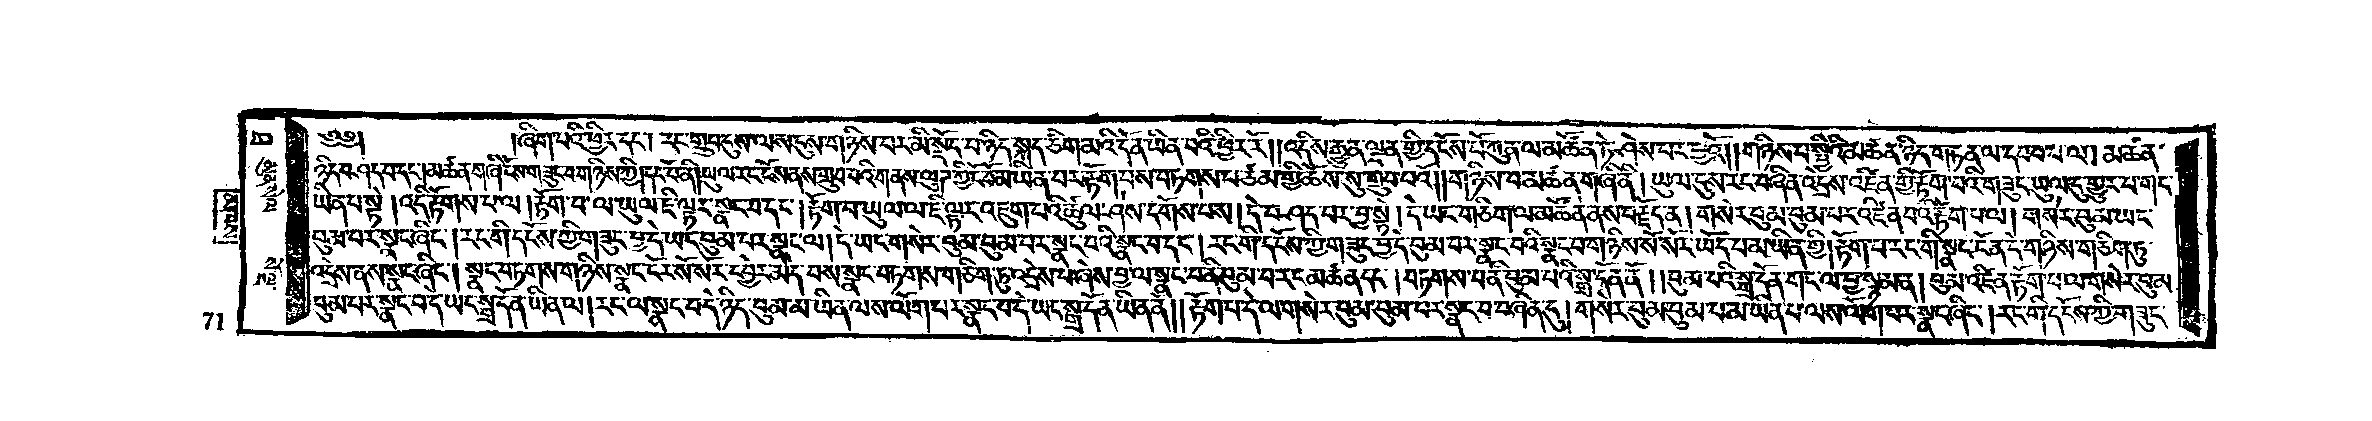༄༅། །ཞིག་པའི་ཕྱིར་དང་། རང་གྲུབ་དུས་ལས་དུས་གཉིས་པར་མི་སྡོད་པ་ཉིད་སྐད་ཅིག་མའི་དོན་ཡིན་པའི་ཕྱིར། །འདིས་རྒྱུན་ལྡན་གྱི་དངོས་པོ་ཀུན་ལ་མཚོན་ཏེ་ཤེས་པར་བྱའོ། །གཉིས་པ་སྤྱིའི་མཚན་ཉིད་གཏན་ལ་དབབ་པ་ལ། མཚན་
ཉིད་བཤད་པ་དང་། མཚན་གཞི་ངོས་གཟུང་བ་གཉིས་ཀྱི། དང་པོ་ནི། ཡུལ་རང་ངོས་ནས་གྲུབ་པའི་གནས་ལུཌ་ཀྱི་ངོ་བོ་མ་ཡིན་པར་རྟོག་པས་བཏགས་པ་ཙམ་གྱི་ཆོས་སུ་གྲུབ་པའི། །གཉིས་པ་མཚན་གཞི་ནི། ཡུལ་དུས་རང་བཞིན་འདྲེས་འཛིན་གྱི་རྟོག་པའི་གཟུང་ཡུལ་དུ་གྱུར་པ་གང་
ཡིན་པ་སྟེ། འདི་རྟོགས་པ་ལ། རྟོག་པ་ལ་ཡུལ་ཇི་ལྟར་སྣང་བ་དང་།རྟོག་པ་ཡུལ་ལ་ཇི་ལྟར་འཇུག་པའི་ཚུལ་ཤེས་དགོས་པས། དེ་བཤད་པར་བྱ་སྟེ། དེ་ཡང་གཅིག་ལ་མཚོན་ནས་བརྗོད་ན། གསེར་བུམ་བུམ་པར་འཛིན་པའི་རྟོག་པ་ལ། གསེར་བུམ་ཡང་
བུམ་པར་སྣང་ཞིང་།རང་གི་དངོས་ཀྱི་གཟུང་བྱ་དེ་ཡང་བུམ་པར་སྣང་ལ། དེ་ཡང་གསེར་བུམ་བུམ་པར་སྣང་བའི་སྣང་བ་དང་།རང་གི་དངོས་ཀྱི་གཟུང་བྱ་དེ་བུམ་པར་སྣང་བའི་སྣང་བ་གཉིས་སོ་སོར་ཡོད་པ་མ་ཡིན་གྱི། རྟོག་པ་རང་གི་སྣང་ངོན་དེ་གཉིས་གཅིག་ཏུ་
འདྲེས་ནས་སྣང་ཞིང་།སྣང་བཏགས་གཉིས་སྣང་ངོར་སོ་སོར་དབྱེར་མེད་པས་སྣང་བཏགས་གཅིག་ཏུ་འདྲེས་པ་ཞེས་བྱ་ལ་སྣང་པ་ནི་བུམ་པ་རང་མཚན་དང་།བཏགས་པ་ནི་བུམ་པའི་སྒྲ་དོན་ནོ། །བུམ་པའི་སྒྲ་དོན་གང་ལ་བྱ་སྙམ་ན། བུམ་འཛིན་རྟོག་པ་ལ་གསེར་བུམ་
བུམ་པར་སྣང་བ་དེ་ཡང་སྒྲ་དོན་ཡིན་ལ། རང་ལ་སྣང་བ་དེ་ཉིད་བུམ་པ་ཡིན་ལས་ལོག་པར་སྣང་བ་དེ་ཡང་སྒྲ་དོན་ཡིན་ནོ། །རྟོག་པ་དེ་ལ་གསེར་བུམ་བུམ་པར་སྣང་བ་བཞིན་དུ། གསེར་བུམ་བུམ་པ་མ་ཡིན་པ་ལས་ལོག་པར་སྣང་ཞིང་།རང་གི་དངོས་ཀྱི་གཟུང་